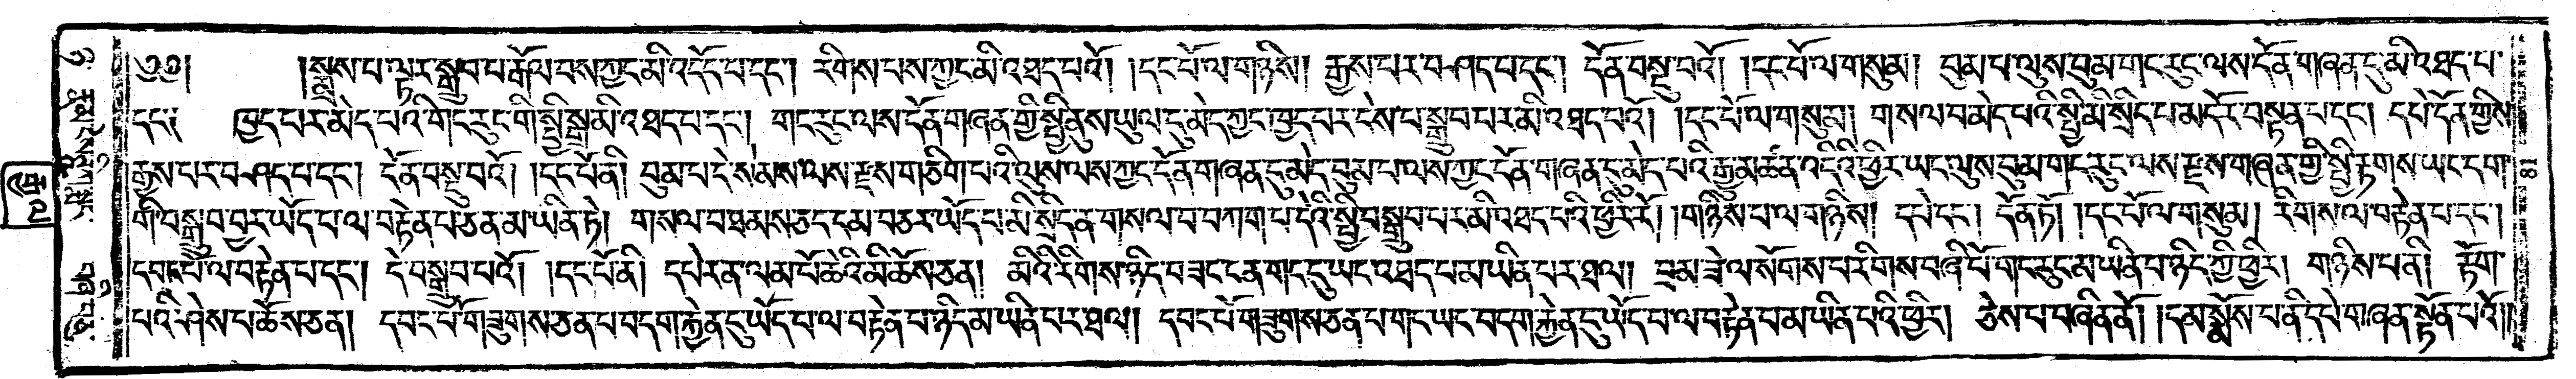༄༅། །སྨྲས་པ་ལྟར་སྒྲུབ་པ་རྒོལ་བས་ཀྱང་མི་འདོད་པ་དང་། རིགས་པས་ཀྱང་མི་འཐད་པའོ། །དང་པོ་ལ་གཉིས། རྒྱས་པར་བཤད་པ་དང་། དོན་བསྡུ་བའོ། །དང་པོ་ལ་གསུམ། བུམ་པ་ལུས་བུམ་གང་རུང་ལས་དོན་གཞན་དུ་མི་འཐད་པ་
དང༑ ཁྱད་པར་མེད་པའི་གང་རུང་གི་སྤྱི་སྒྲ་མི་འཐད་པ་དང་། གང་རུང་ལས་དོན་གཞན་གྱི་སྤྱི་ནུས་ཡུལ་དུ་མེད་ཀྱང་ཁྱད་པར་ངེས་པ་སྒྲུབ་པར་མི་འཐད་པའོ། །དང་པོ་ལ་གསུམ། གསལ་བ་མེད་པའི་སྤྱི་མི་སྲིད་པ་མདོར་བསྟན་པ་དང་། དཔེ་དོན་གྱིས་
རྒྱས་པར་བཤད་པ་དང་། དོན་བསྡུ་བའོ། །དང་པོ་ནི། བུམ་པ་དེ་སེམས་ལས་རྫས་གཅིག་པའི་ལུས་ལས་ཀྱང་དོན་གཞན་དུ་མེད་བུམ་པ་ལས་ཀྱང་དོན་གཞན་དུ་མེད་པའི་རྒྱུ་མཚན་འདིའི་ཕྱིར་ཡང་ལུས་བུམ་གང་རུང་ལས་རྫས་གཞན་གྱི་སྤྱི་རྟགས་ཡང་དག་
གི་བསྒྲུབ་བྱར་ཡོད་པ་ལ་བརྟེན་པ་ཅན་མ་ཡིན་ཏེ། གསལ་བ་ཐམས་ཅད་དམ་བཅར་ཡོད་པ་མི་སྲིད་ན་གསལ་བ་བཀག་པ་དེའི་སྤྱི་བསྒྲུབ་པར་མི་འཐད་པའི་ཕྱིར་རོ། །གཉིས་པ་ལ་གཉིས། དཔེ་དང་། དོན་ཏོ། །དང་པོ་ལ་གསུམ། རིགས་ལ་བརྟེན་པ་དང་།
དབང་པོ་ལ་བརྟེན་པ་དང་། དེ་བསྒྲུབ་པའོ། །དང་པོ་ནི། དཔེར་ན་ལམ་པོ་ཆེའི་མི་ཆོས་ཅན། མིའི་རིགས་ཉིད་བཟང་ངན་གང་དུ་ཡང་འཐད་པ་མ་ཡིན་པར་ཐལ། བྲམ་ཟེ་ལ་སོགས་པ་རིགས་བཞི་པོ་གང་རུང་མ་ཡིན་པ་ཉིད་ཀྱི་ཕྱིར། གཉིས་པ་ནི། རྟོག་
པའི་ཤེས་པ་ཆོས་ཅན། དབང་པོ་གཟུགས་ཅན་པ་བདག་རྐྱེན་དུ་ཡོད་པ་ལ་བརྟེན་པ་ཉིད་མ་ཡིན་པར་ཐལ། དབང་པོ་གཟུགས་ཅན་པ་གང་ཡང་བདག་རྐྱེན་དུ་ཡོད་པ་ལ་བརྟེན་བ་མ་ཡིན་པའི་ཕྱིར། ཅེས་པ་བཞིན་ནོ། །དམ་སྨོས་པ་ནི་དཔེ་གཞན་སྟོན་པའོ། །